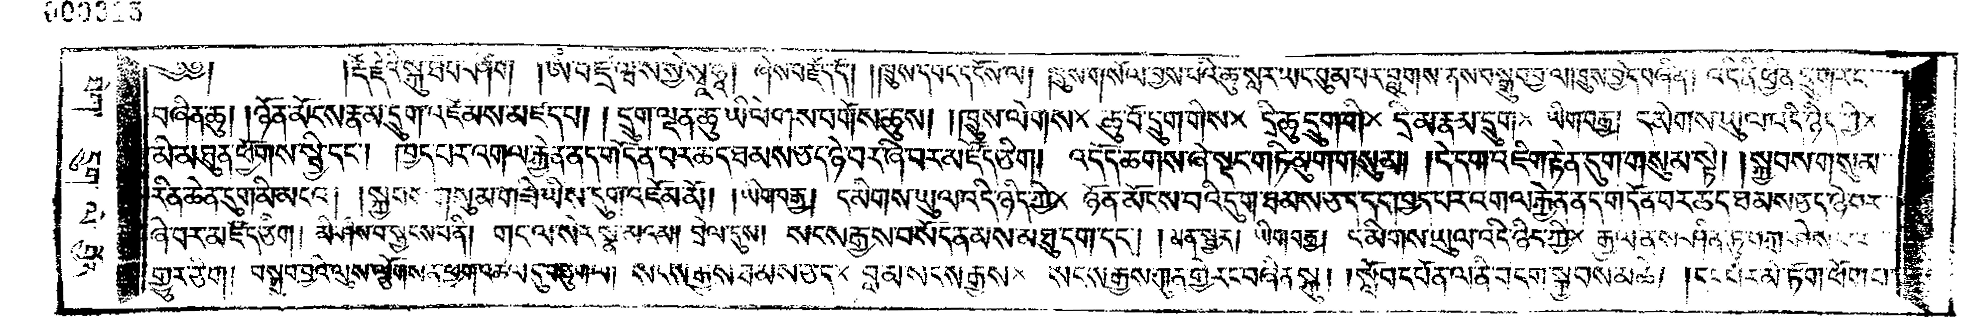༄༅། །རྡོ་རྗེའི་སྐུ་ཐོབ་ཤོག །ཨོཾ་བཛྲ་ཝ་ས་སྱེ་སྭཱ་ཧཱ། ཞེས་བརྗོད་དོ། །ཁྲུས་དབང་དངོས་ལ། ཁྲུས་གསོལ་བྱས་པའི་ཆུ་སླར་ཡང་བུམ་པར་བླུགས་ནས་བསྒྲུབ་བྱ་ལ་ཁྲུས་བྱེད་བཞིན།  འདི་ནི་ཕྱིན་དྲུག་རང་
བཞིན་ཆུ། །ཉོན་མོངས་རྣམ་དྲུག་འཇོམས་མཛད་པ། །དྲུག་ལྡན་ཆུ་ཡི་ལེགས་བགོས་ཆུས། །ཁྲུས་ལེགས་྾་ཆུ་བོ་དྲུག་གིས་྾་དྲི་ཆུ་དྲུག་གི་྾་དྲི་མ་རྣམ་དྲུག་྾་ཡིག་བརྒྱ། དམིགས་ཡུལ་འདི་ཉིད་ཀྱི་྾་
མི་མཐུན་ཕྱོགས་སྤྱི་དང་། ཁྱད་པར་འགལ་རྐྱེན་ནད་གདོན་པར་ཆད་ཐམས་ཅད་ཉེ་བར་ཞི་བར་མཛོད་ཅིག །འདོད་ཆགས་ཞེ་སྡང་གཏི་མུག་གསུམ། །དེ་དག་འཇིག་རྟེན་དུག་གསུམ་སྟེ། །སྐྱབས་གསུམ་
རིན་ཆེན་དུག་མི་མངའ། །སྐྱབས་གསུམ་གཟི་ཡིས་དུག་འཇོམ་མོ། ། ཡིག་བརྒྱ།  དམིགས་ཡུལ་འདི་ཉིད་ཀྱི་྾་ཉོན་མོངས་བའི་དུག་ཐམས་ཅད་དང་ཁྱད་པར་འགལ་རྐྱེན་ནད་གདོན་བར་ཆད་ཐམས་ཅད་ཉེ་བར་
ཞི་བར་མཛོད་ཅིག ། མི་ཤིས་པ་སྦྱངས་པ་ནི།  གང་ལ་སེར་སྣ་མའམ། བྲེལ་དུས།  སངས་རྒྱས་བསོད་ནམས་མཐུ་དག་དང་། ། མན་སྦྱར། ཡིག་བརྒྱ།  དམིགས་ཡུལ་འདི་ཉིད་ཀྱི་྾་རྒྱལ་ནས་ཤིན་ཏུ་བཀྲ་ཤིས་པར་
གྱུར་ཅིག ། བསྒྲུབ་བྱའི་ལུས་ལྕོགས་ན་ཕྱག་འཚལ་དུ་བཅུག་ལ།  སངས་རྒྱས་ཐམས་ཅད་྾་བླ་མ་སངས་རྒྱས་྾་སངས་རྒྱས་ཀུན་གྱི་རང་བཞིན་སྐུ། །སློབ་སྤོན་ལ་ནི་བདག་སྐྱབས་བྖི། །དང་པོར་མེ་ཏོག་ཕོག་པ་